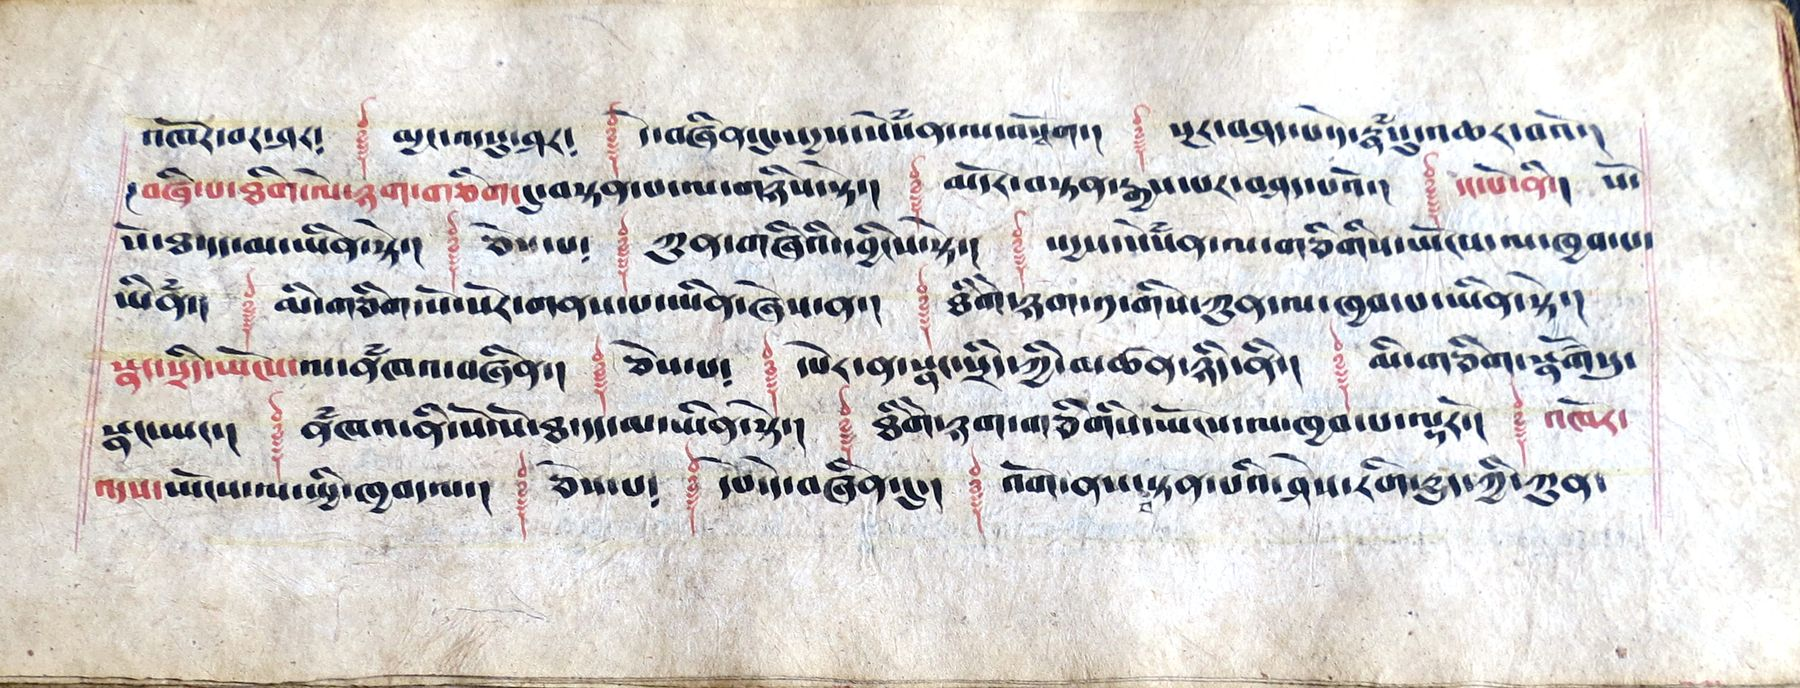འཁོར་བར་ཤར་མྱང་འདས་སུ་ཤར། དེ་བཞིན་སངས་རྒྱས་སེམས་ཅན་ལས་སོགས། སྔར་བཤད་པ་དེ་རྣམས་སུ་འཆར་བའོ། །
བཞི་པ་ཐིག་ལེ་ཉག་གཅིག་ཏུ་བསྟན་པ་ལ་གཉིསཏེ། མདོར་བསྟན་རྒྱས་པར་བཤད་པའོ། །དང་པོ་ནི་སོ་
སོ་ཐ་དད་མ་ཡིན་ཏེ། །ཞེས་པས་ཀུན་གཞིའི་དབྱིངས་དེ། སངས་རྒྱས་སེམས་ཅན་ལ་གཅིག་གིས་ཡོངས་ལ་ཁྱབ་པ་
ཡིན་ནམ། མི་གཅིག་སོ་སོར་གནས་པ་ཡིན་ཞེ་ན། ཐིག་ལེ་ཉག་གཅིག་གིས་ཀུན་ལ་ཁྱབ་པ་ཡིན་ཏེ། 
སྣང་སྲིད་ཡོངས་ལ་ནམ་མཁའ་བཞིན། །ཞེས་པས། དཔེར་ན་སྣང་སྲིད་ཀྱི་མཚན་ཉིད་ནི། མི་གཅིག་སྣ་ཚོགས་སུ་
སྣང་ཡང་། ནམ་མཁའ་ནི་སོ་སོ་ཐ་དད་མ་ཡིན་ཏེ། ཐིག་ལེ་གཅིག་གིས་ཡོངས་ལ་ཁྱབ་པ་ལྟར་རོ། །འཁོར་
འདས་ཡོངས་ལ་སྤྱི་ཁྱབ་བདལ། །ཞེས་པས། དཔེ་དེ་བཞིན་དུ། འོག་ནས་སྟོན་པའི་ཤེས་རིག་རྒྱུད་ཀྱི་ཀུན་གཞི་